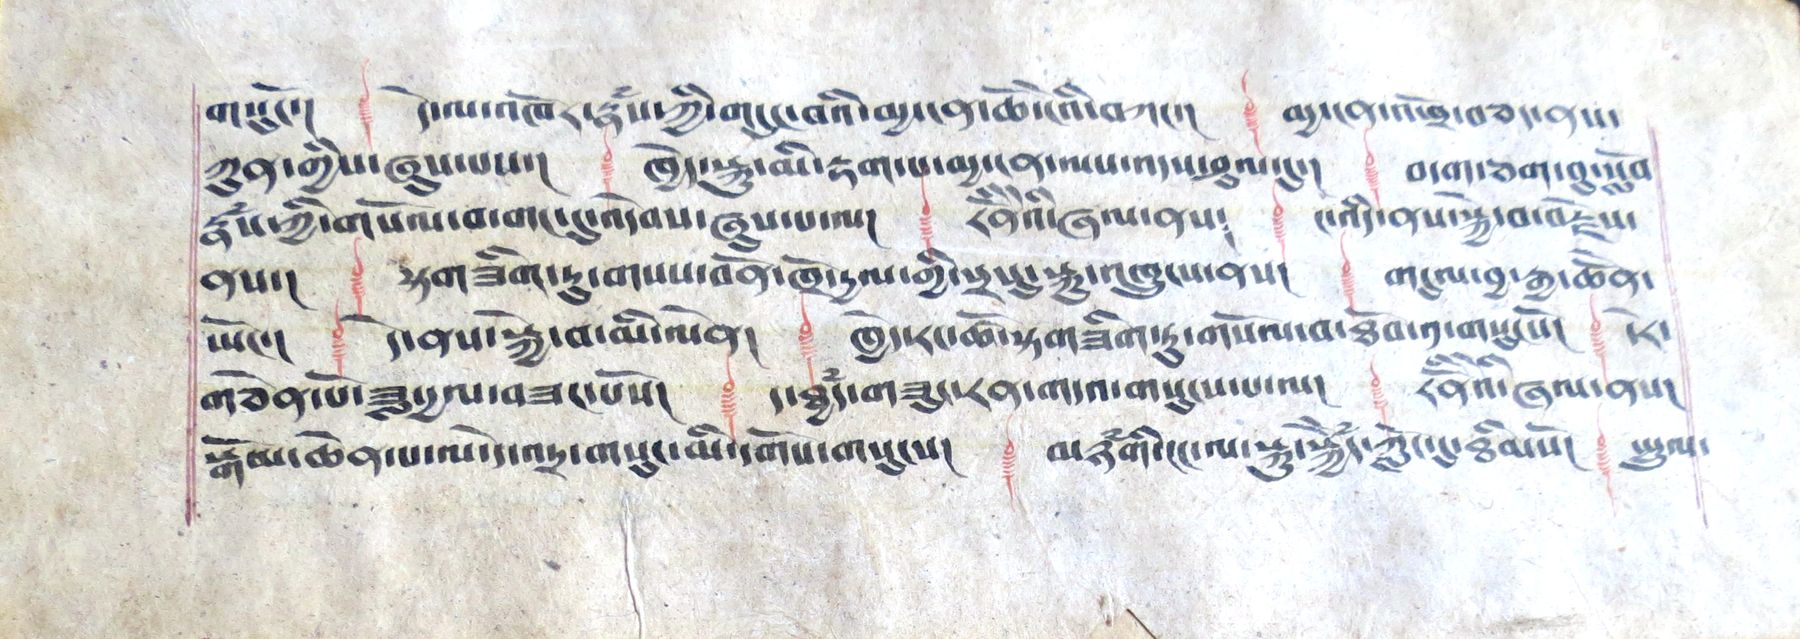གསུངས་སོ། ། དེ་ལ་འཁོར་རྣམས་ཀྱིས་གདུང་བའི་མྱ་ངན་ཆོ་ངེས་བཀང་། མྱ་ངན་འཕྲོ་བཅད་ནས་
ཀུན་གྱིས་ཞུས་པས། ཁྱེད་མི་རྟག་པ་མྱ་ངན་ལས་འདས་ཤུལ་དུ། བདག་ཅག་བུ་སློབ་
རྣམས་ཀྱི་གསོལ་བ་གང་དུ་འདེབས་ཞུས་པ་ལ། རིན་པོ་ཆེའི་ཞལ་ནས། ང་འདི་ནས་སྐྱེ་བ་བརྗེས་
ནས། རྟག་གཟིགས་སུ་གསས་བོན་ཁྲོ་རྒྱལ་གྱི་སྲས་སུ་འཁྲུངས་ནས། གདུལ་བྱ་རྒྱ་ཆེན་པོ་
ཡོང་། དེ་ནས་སྐྱེ་བ་མི་ལེན་གསུངས། ཁྱེད་རང་ཚོས་རྟག་གཟིགས་སུ་གསོལ་བ་ཐོབ་ཅིག་གསུངས་སོ། ། དེར་
གཅེན་པོ་ཟླ་རྒྱལ་བཟང་པོས་ད་ཐུགས་དམ་བཟུང་རན་གདའ་གསུངས་པ་ལ། རིན་པོ་ཆེའི་ཞལ་ནས། 
ང་ལྟ་སྒོམ་པ་ཆེན་པོ་ཞིག་ལ་དེ་འདྲ་གསུངས་མི་དགོས་གསུངས་ནས། མཉམ་བཞག་གི་ངང་ལ་སྐུ་སྐྱེ་མེད་ཀློང་དུ་ཐིམས་སོ། ། སྤྲུལ་